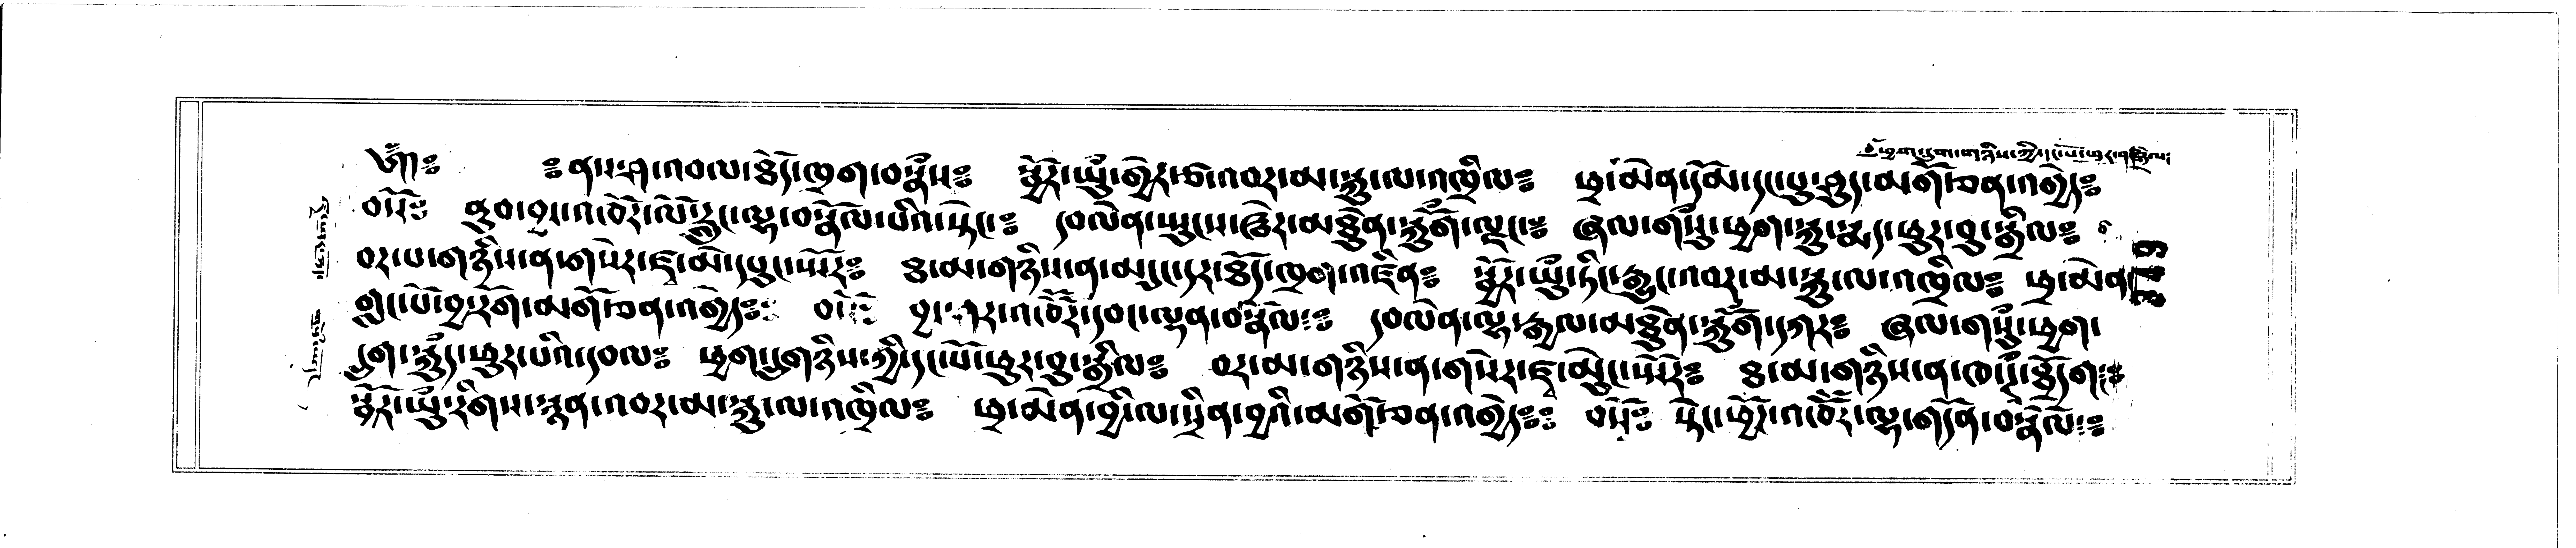༔ནས་ཤ་འབལ་ཐོད་ཁྲག་བསྣམས༔ སྦྱོར་ཡུམ་གྱེར་ཙ་འབར་མ་སྐུ་ལ་འཁྲིལ༔ ཕྲ་མེན་དོམ་དང་པུ་ཤུད་མགོ་ཅན་འགྱེད༔ 
བསྭོ༔ ནུབ་བྱང་འཁོར་ལོ་རླུང་ལྷ་བསྣོལ་བའི་སྟེང་༔ དབལ་ཆེན་སྤུངས་ཝེར་མཐུ་ཆེན་སྐུ་མདོག་ལྗང་༔ ཞལ་གསུམ་ཕྱག་དྲུག་སྐུ་སྨད་ཕུར་བུ་སྒྲིལ༔ 
བར་པ་གཉིས་ན་གསེར་ཛྭ་མེ་དཔུང་སྤོར༔ ཐ་མ་གཉིས་ན་མདུང་དར་ཐོད་ཁྲག་འཛིན༔ སྦྱོར་ཡུམ་ཏིང་རྒྱུང་འབར་མ་སྐུ་ལ་འཁྲིལ༔ ཕྲ་མེན་
གླང་པོ་བྱ་རོག་མགོ་ཅན་འགྱེད༔ བསྭོ༔ བྱང་ཤར་འཁོར་ལོ་དབང་ལྡན་བསྣོལ་བའི་སྟེང་༔ དབལ་ཆེན་ལྷ་རྒྱལ་མཐུ་ཆེན་སྐུ་མདོག་དཀར༔ ཞལ་གསུམ་ཕྱག་
དྲུག་སྐུ་མདོག་ཕུར་པའི་དབལ༔ ཕྱག་དྲུག་གཉིས་ཀྱི་དང་པོ་ཕུར་བུ་སྒྲིལ༔ བར་མ་གཉིས་ན་གསེར་ཛྭ་མེ་དཔུང་སྤར༔ ཐ་མ་གཉིས་ན་ཁ་ཊཾ་ཐོད་ཁྲག་འཛིན༔ 
སྦྱོར་ཡུམ་རིགས་སྙན་འབར་མ་སྐུ་ལ་འཁྲིལ༔ ཕྲ་མེན་བྱི་ལ་སྲིན་བྱའི་མགོ་ཅན་འགྱེད༔༔ བསྭོ༔ སྟེང་ཕྱོགས་འཁོར་ལོ་ལྷ་གདོན་བསྣོལ་བའི་སྟེང་༔